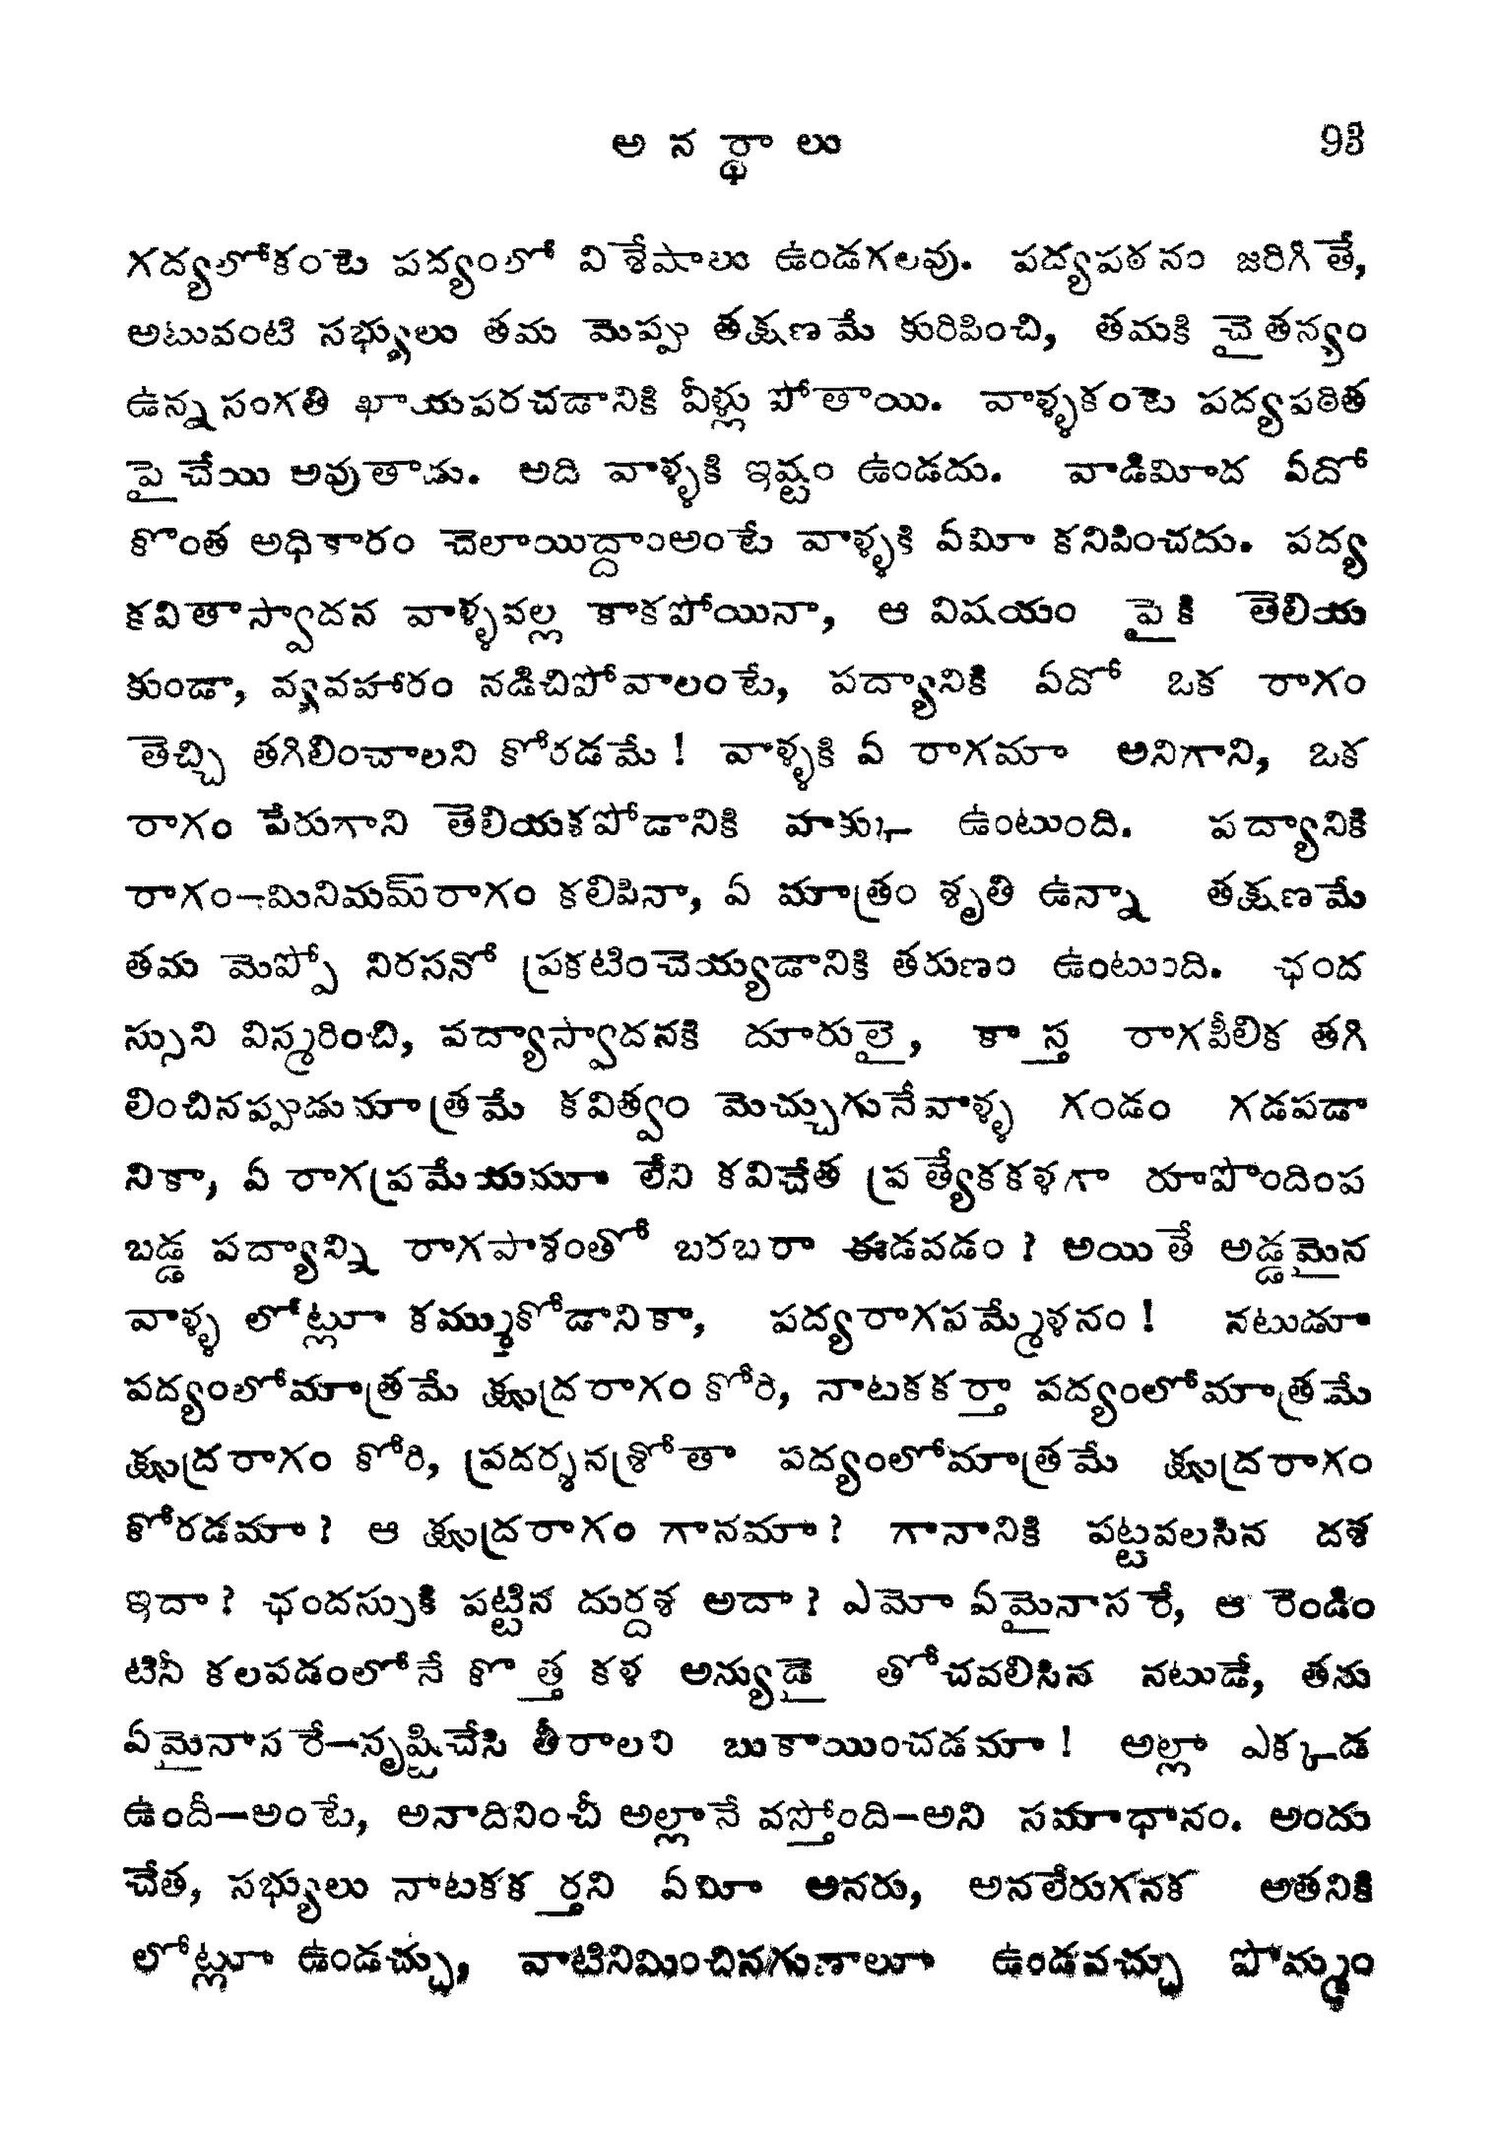గద్యలోకంటె పద్యంలో విశేషాలు ఉండగలవు. పద్యపఠనం జరిగితే,
అటువంటి సభ్యులు తమ మెప్పు తక్షణమే కురిపించి, తమకి చైతన్యం
ఉన్నసంగతి ఖాయపరచడానికి వీళ్లు పోతాయి. వాళ్ళకంటె పద్యపఠిత
పైచేయి అవుతాడు. అది వాళ్ళకి ఇష్టం ఉండదు. వాడిమీద ఏదో
కొంత అధికారం చెలాయిద్దాంఅంటే వాళ్ళకి ఏమీ కనిపించదు. పద్య
కవితాస్వాదన వాళ్ళవల్ల కాకపోయినా, ఆ విషయం పైకి తెలియ
కుండా, వ్యవహారం నడిచిపోవాలంటే, పద్యానికి ఏదో ఒక రాగం
తెచ్చి తగిలించాలని కోరడమే ! వాళ్ళకి ఏ రాగమా అనిగాని, ఒక
రాగం పేరుగాని తెలియకపోడానికి హక్కు ఉంటుంది. పద్యానికి
రాగం - మినిమమ్‌రాగం కలిపినా, ఏ మాత్రం శృతి ఉన్నా తక్షణమే
తమ మెప్పో నిరసనో ప్రకటించెయ్యడానికి తరుణం ఉంటుంది. ఛంద
స్సుని విస్మరించి, పద్యాస్వాదనికి దూరులై, కాస్త రాగపీలిక తగి
లించినప్పుడుమాత్రమే కవిత్వం మెచ్చుగునేవాళ్ళ గండం గడపడా
నికా, ఏ రాగప్రమేయమూ లేని కవిచేత ప్రత్యేకకళగా రూపొందింప
బడ్డ పద్యాన్ని రాగపాశంతో బరబరా ఈడవడం ? అయితే అడ్డమైన
వాళ్ళ లోట్లూ కమ్ముకోడానికా, పద్యరాగపమ్మేళనం ! నటుడూ
పద్యంలోమాత్రమే క్షుద్రరాగంకోరి, నాటకకర్తా పద్యంలోమాత్రమే
క్షుద్రరాగం కోరి, ప్రదర్శనశ్రోతా పద్యంలోమాత్రమే క్షుద్రరాగం
కోరడమా? ఆ క్షుద్రరాగం గానమా ? గానానికి పట్టవలసిన దశ
ఇదా? ఛందస్సుకి పట్టిన దుర్దశ అదా ? ఎమో ఏమైనాసరే, ఆ రెండిం
టినీ కలపడంలోనే కొత్త కళ అన్యుడై తోచవలిసిన నటుడే, తను
ఏమైనాసరే—సృష్టిచేసి తీరాలని బుకాయించడమా ! అల్లా ఎక్కడ
ఉందీ—అంటే, అనాదినించీ అల్లానే వస్తోంది- అని సమాధానం. అందు
చేత, సభ్యులు నాటకకర్తని ఏమీ అనరు, అనలేరుగనక అతనికి
లోట్లూ ఉండచ్చు, వాటినిమించినగుణాలూ ఉండవచ్చు పొమ్మం